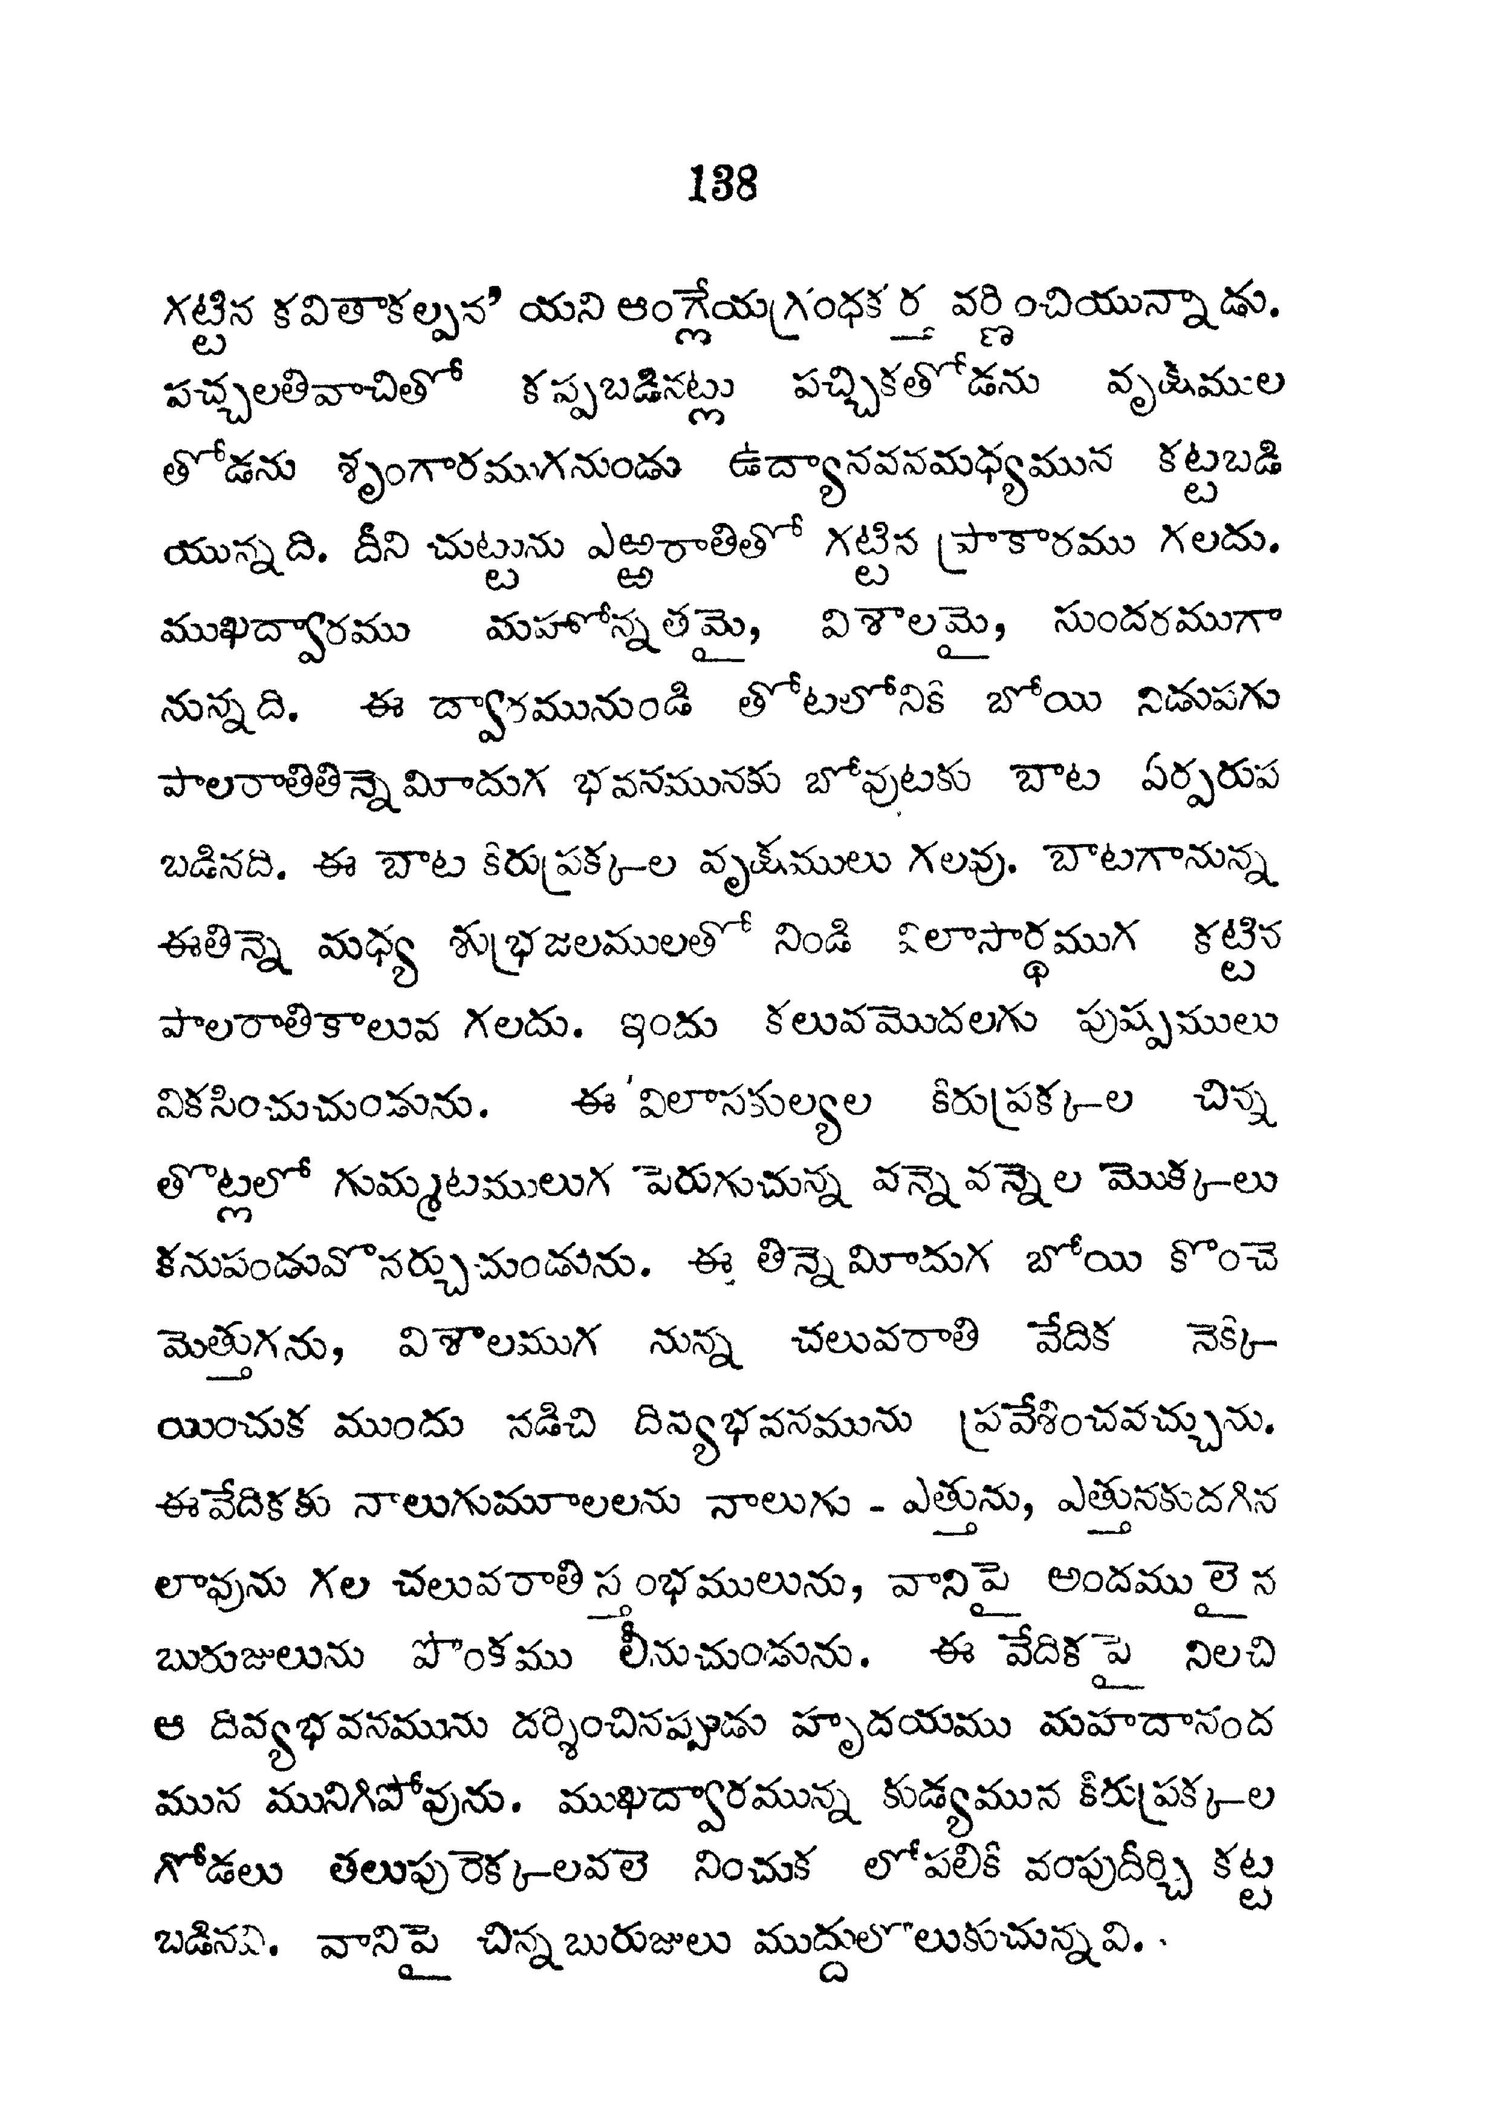గట్టిన కవితాకల్పన' యని ఆంగ్లేయగ్రంధకర్త వర్ణించియున్నాడు. పచ్చలతివాచితో కప్పబడినట్లు పచ్చికతోడను వృక్షములతోడను శృంగారముగనుండు ఉద్యానవనమధ్యమున కట్టబడియిన్నది. దీని చుట్టును ఎఱ్ఱరాతితో గట్టిన ప్రాకారము గలదు. ముఖద్వారము మహోన్నతమై, విశాలమై, సుందరముగా నున్నది. ఈ ద్వారమునుండి తోటలోనికి బోయి నిడువగు పాలరాతితిన్నెమీదుగ భవనమునకు బోవుటకు బాట ఏర్పరుప బడినది. ఈ బాట కిరుప్రక్కల వృక్షములు గలవు. బాటగానున్న ఈతిన్నె మధ్య శుభ్రజలములతో నిండి విలాసార్థముగ కట్టిన పాలరాతికాలువ గలదు. ఇందు కలువమొదలగు పుష్పములు వికసించుచుండును. ఈ విలాసకుల్యల కిరుప్రక్కల చిన్న తొట్లలో గుమ్మటములుగ పెరుగుచున్న వన్నెవన్నెల మొక్కలు కనుపండువొనర్చుచుండును. ఈ తిన్నెమీదుగ బోయి కొంచె మెత్తుగను, విశాలముగ నున్న చలువరాతి వేదిక నెక్కి యించుక ముందు నడిచి దివ్యభవనమును ప్రవేశింపవచ్చును. ఈవేదికకు నాలుగుమూలలను నాలుగు - ఎత్తును, ఎత్తునకుదగిన లావును గల చలువరాతిస్తంభములును, వానిపై అందములైన బురుజులును, పొంకము లీనుచుండును. ఈ వేదికపై నిలచి ఆ దివ్యభవనమును దర్శించినప్పుడు హృదయము మహదానందమున మునిగిపోవును. ముఖద్వారమున్న కుడ్యమున కిరుప్రక్కల గోడలు తలుపురెక్కలవలె నించుక లోపలికి వంపుదీర్చి కట్టబడినవి. వానిపై చిన్నబురుజులు ముద్దులొలుకుచున్నవి.